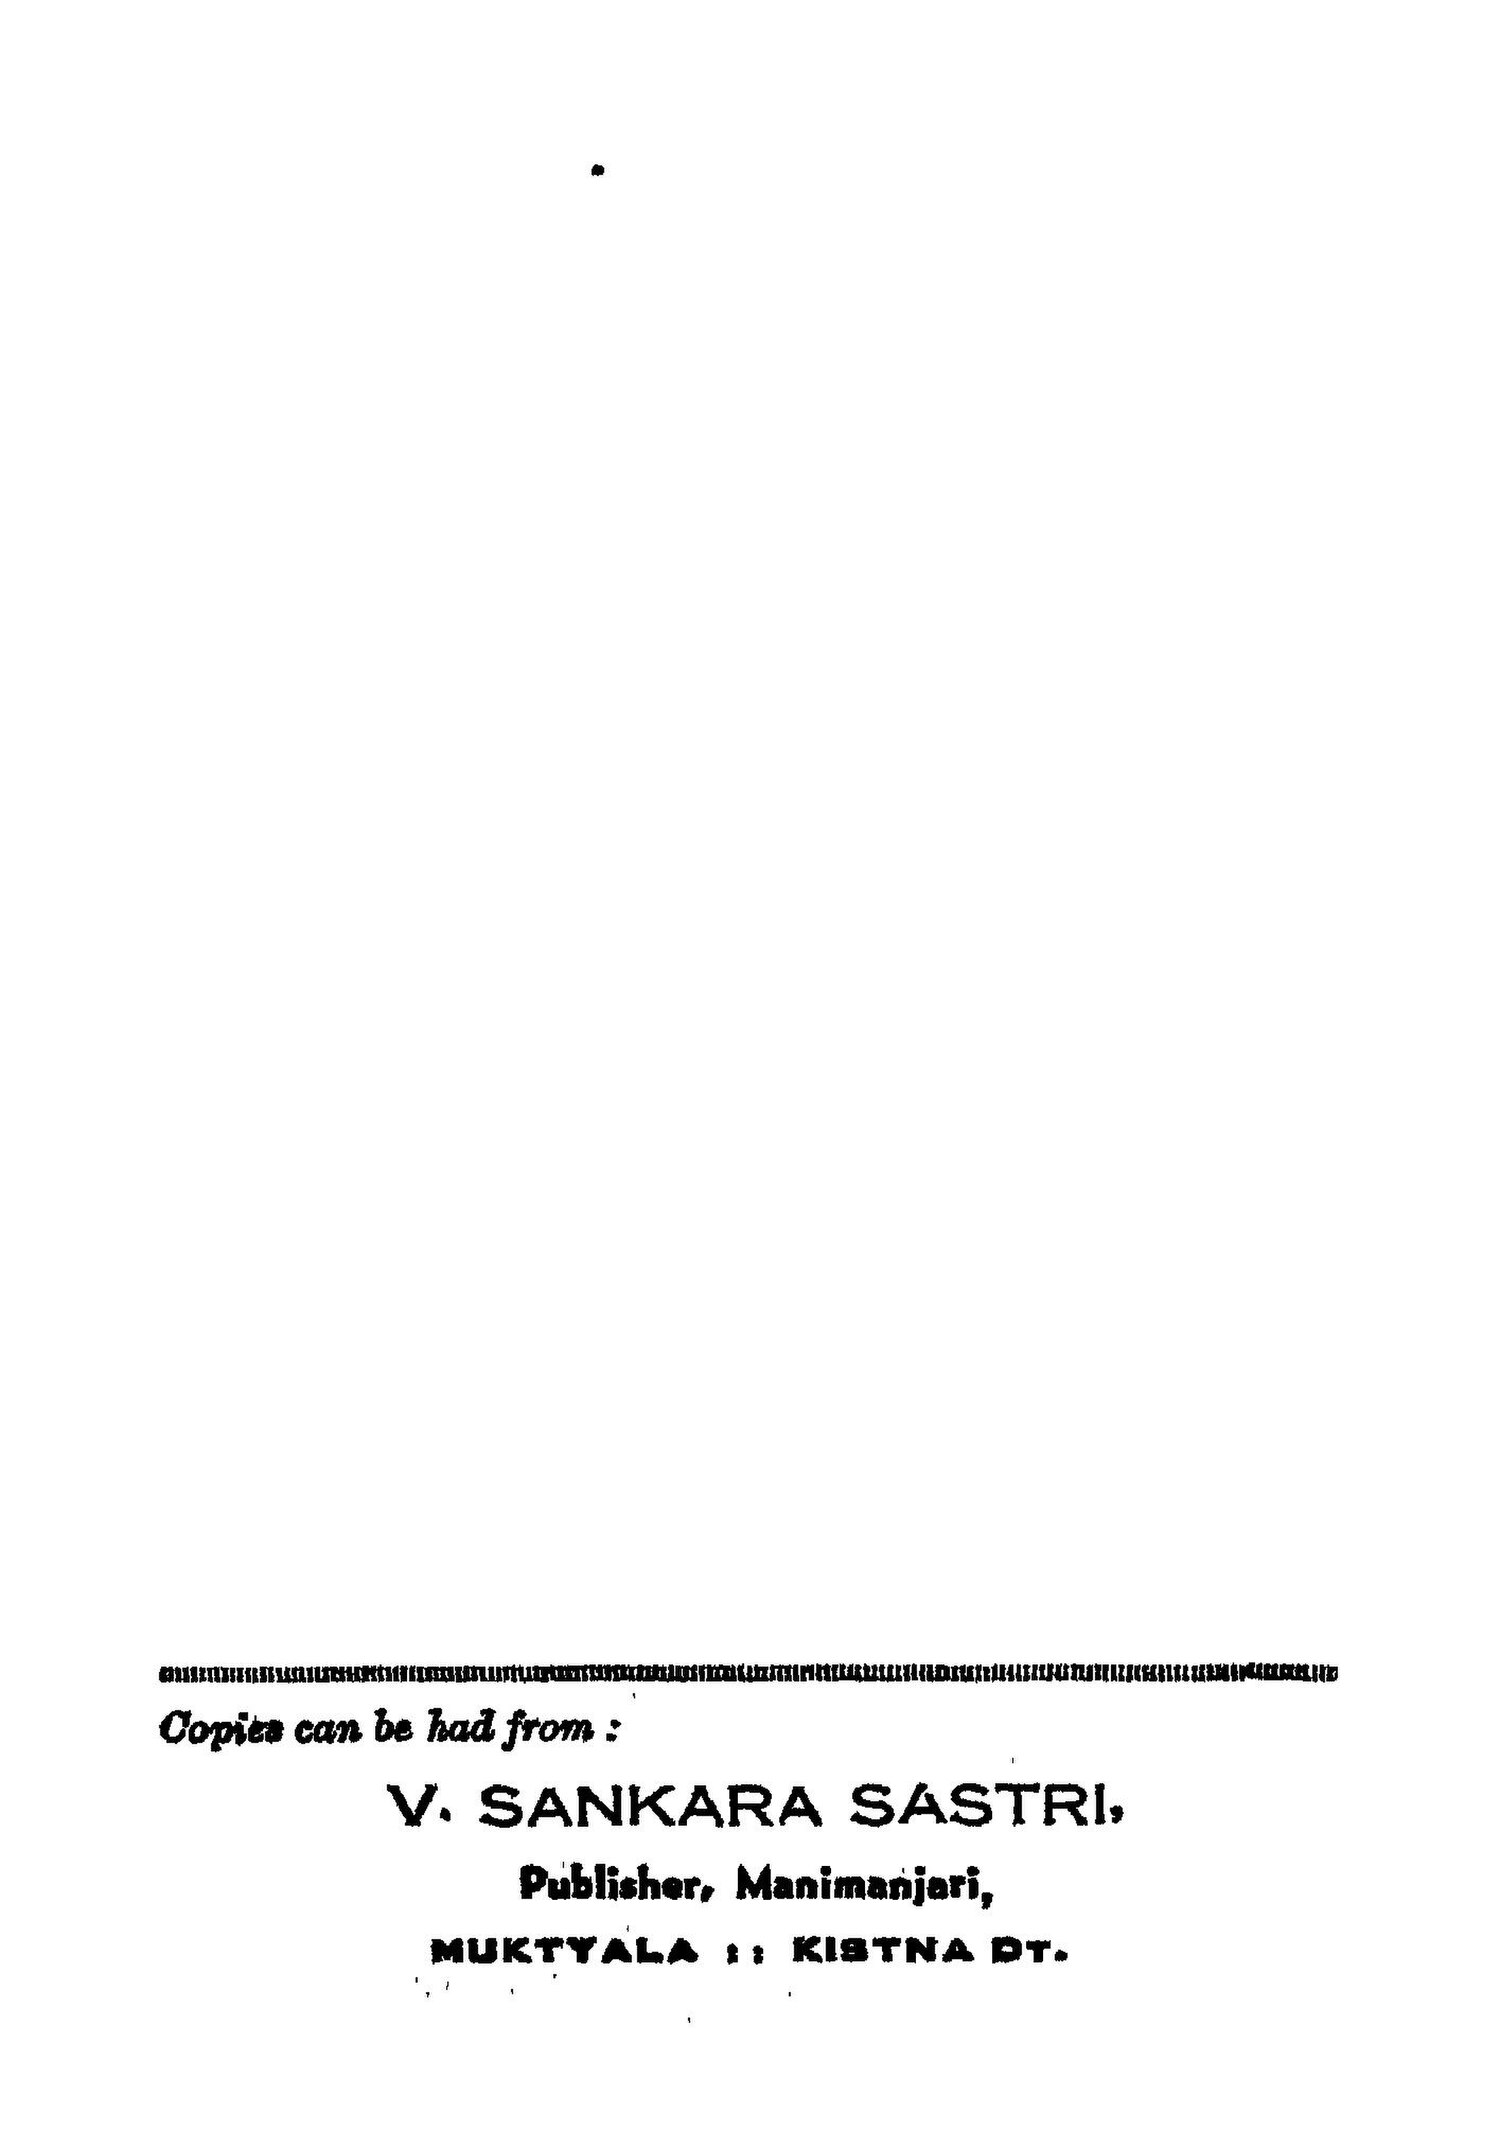Copies can be had from:

V. SANKARA SASTRI,

publisher, Manimanjari,

MUKTYALA :: KISTNA DT.